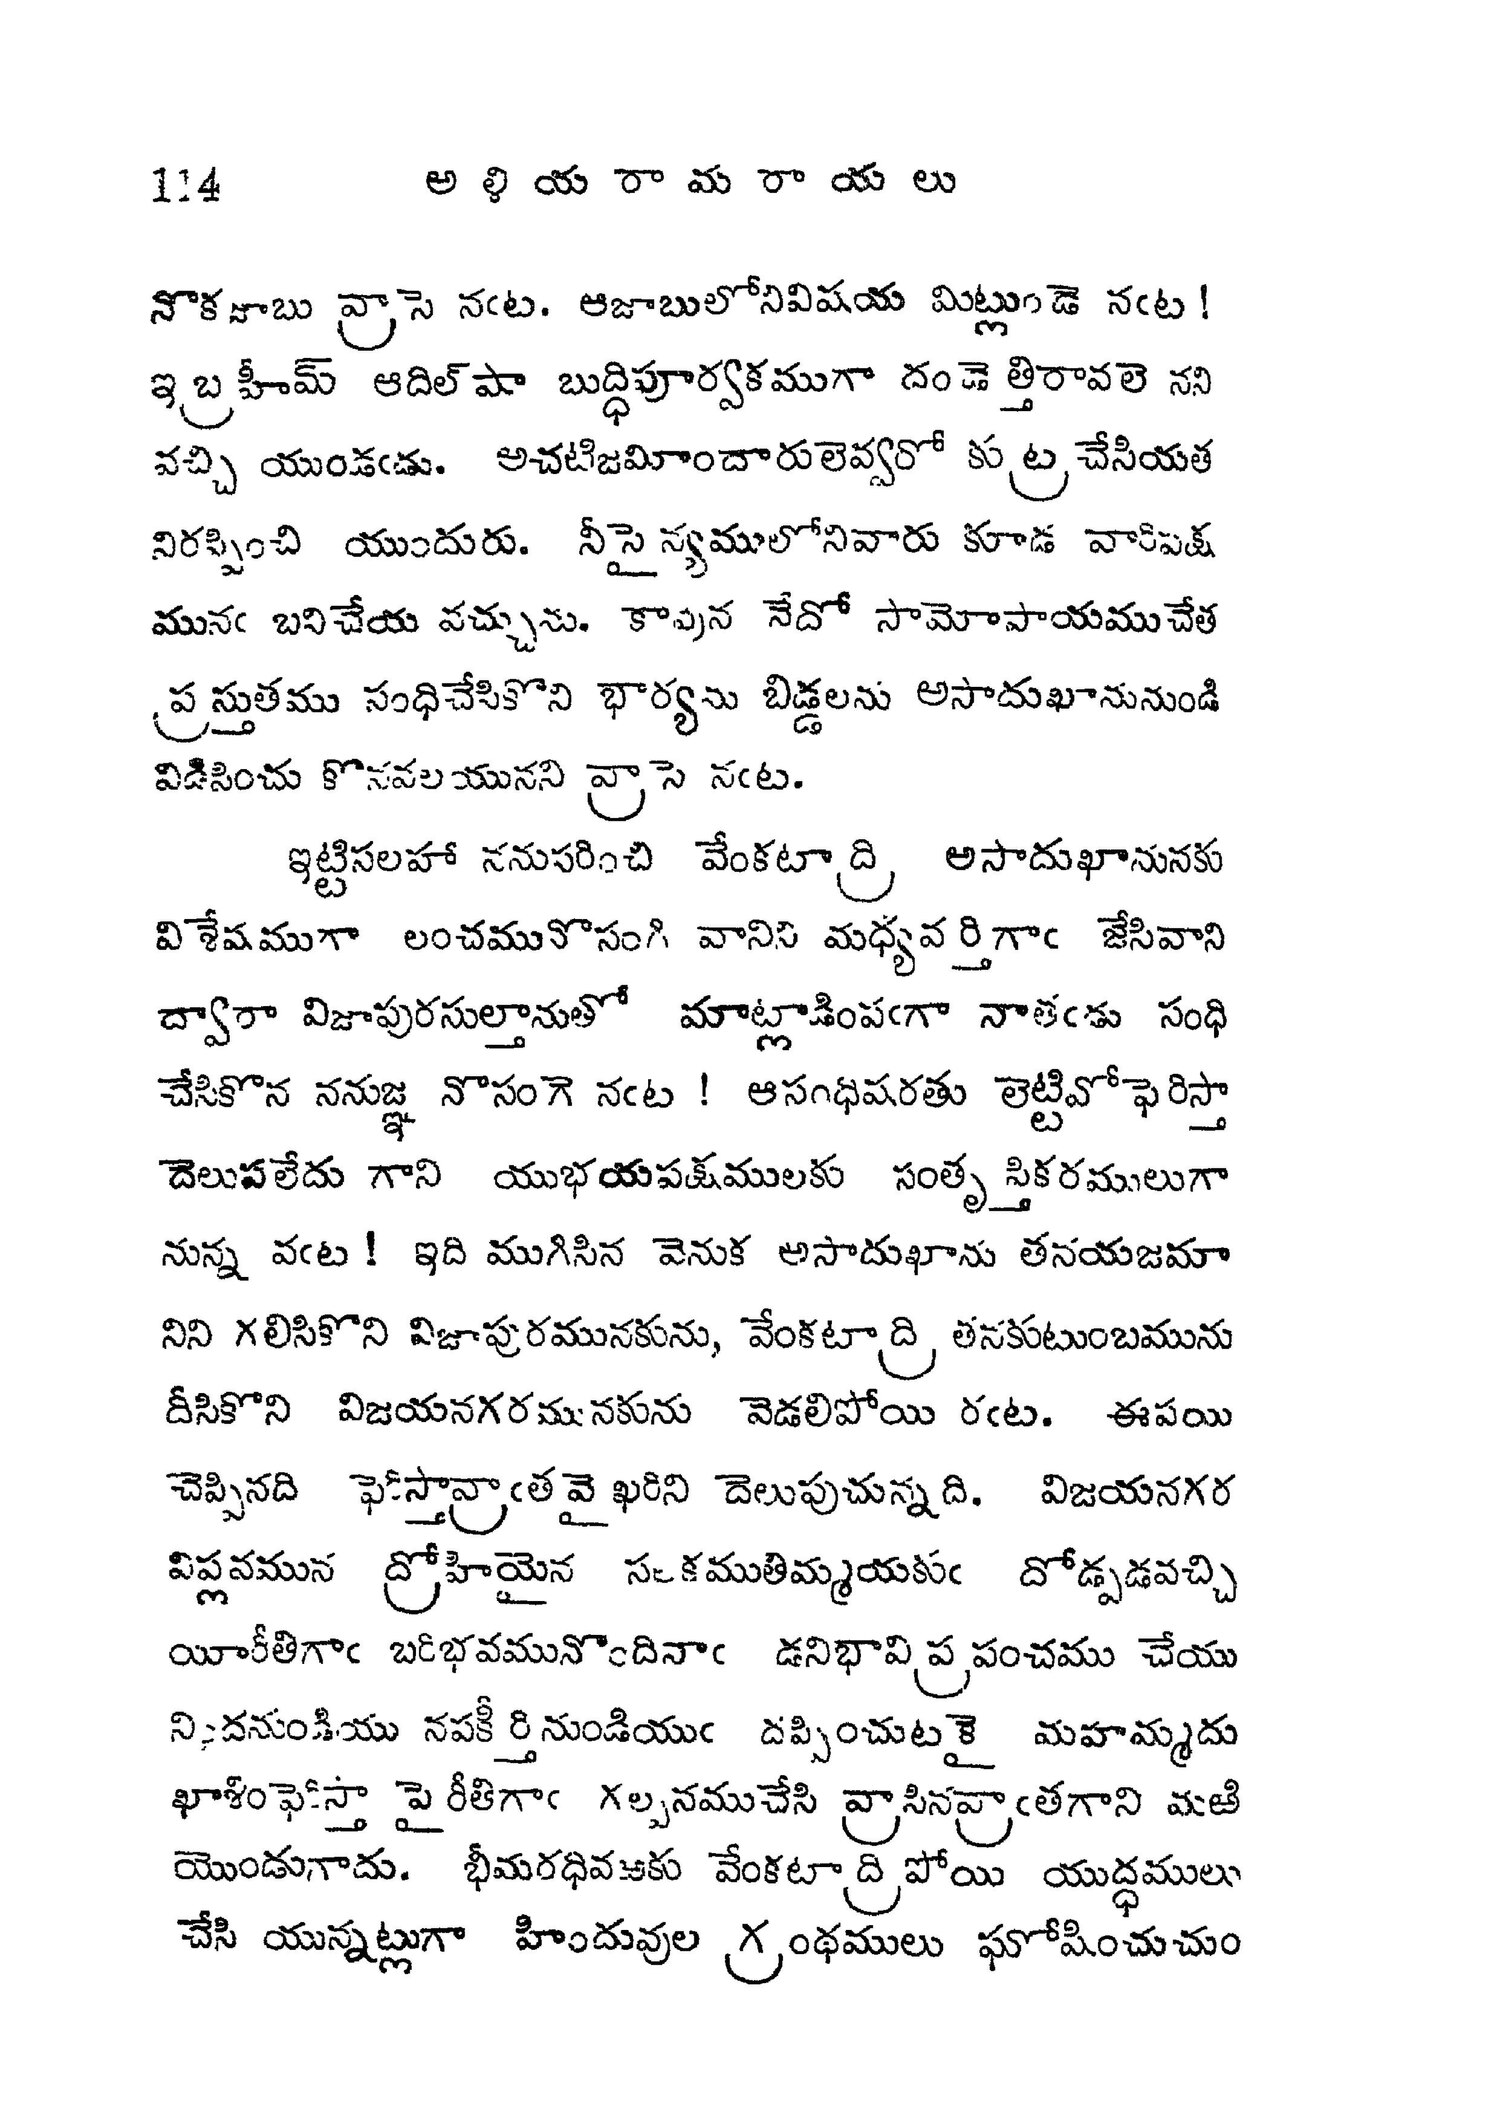నొకజాబు వ్రాసెనట. ఆజాబులోనివిషయ మిట్లుండె నట! ఇబ్రహీమ్ ఆదిల్‌షా బుద్ధిపూర్వకముగా దండెత్తిరావలె నని వచ్చి యుండడు. అచటిజమీందారులెవ్వరో కుట్రచేసియతనిరప్పించి యుందురు. నీసైన్యములోనివారు కూడ వారిపక్షమున బనిచేయ వచ్చును. కావున నేదో సామోపాయముచేత ప్రస్తుతము సంధిచేసికొని భార్యను బిడ్డలను అసాదుఖానునుండి విడిపించు కొనవలయునని వ్రాసె నట.

ఇట్టిసలహా ననుసరించి వేంకటాద్రి అసాదుఖానునకు విశేషముగా లంచమునొసంగి వానిని మధ్యవర్తిగా జేసివాని ద్వారా విజాపురసుల్తానుతో మాట్లాడింపగా నాతడు సంధిచేసికొన ననుజ్ఞ నొసంగె నట! ఆసంధిషరతు లెట్టివో ఫెరిస్తా దెలుపలేదు గాని యుభయపక్షములకు సంతృప్తికరములుగా నున్న వట! ఇది ముగిసిన వెనుక అసాదుఖాను తనయజమానిని గలిసికొని విజాపురమునకును, వేంకటాద్రి తనకుటుంబమును దీసికొని విజయనగరమునకును వెడలిపోయి రట. ఈపయి చెప్పినది ఫెరిస్తావ్రాతవైఖరిని దెలుపుచున్నది. విజయనగర విప్లవమున ద్రోహియైన సలకముతిమ్మయకు దోడ్పడవచ్చి యీరీతిగా బరిభవమునొందినా డనిభావిప్రపంచము చేయు నిందనుండియు నపకీర్తినుండియు దప్పించుటకై మహమ్మదు ఖాశింఫెరిస్తా పైరీతిగా గల్పనముచేసి వ్రాసినవ్రాతగాని మఱియొండుగాదు. భీమరధివఱకు వేంకటాద్రిపోయి యుద్ధములు చేసి యున్నట్లుగా హిందువుల గ్రంథములు ఘోషించుచుం